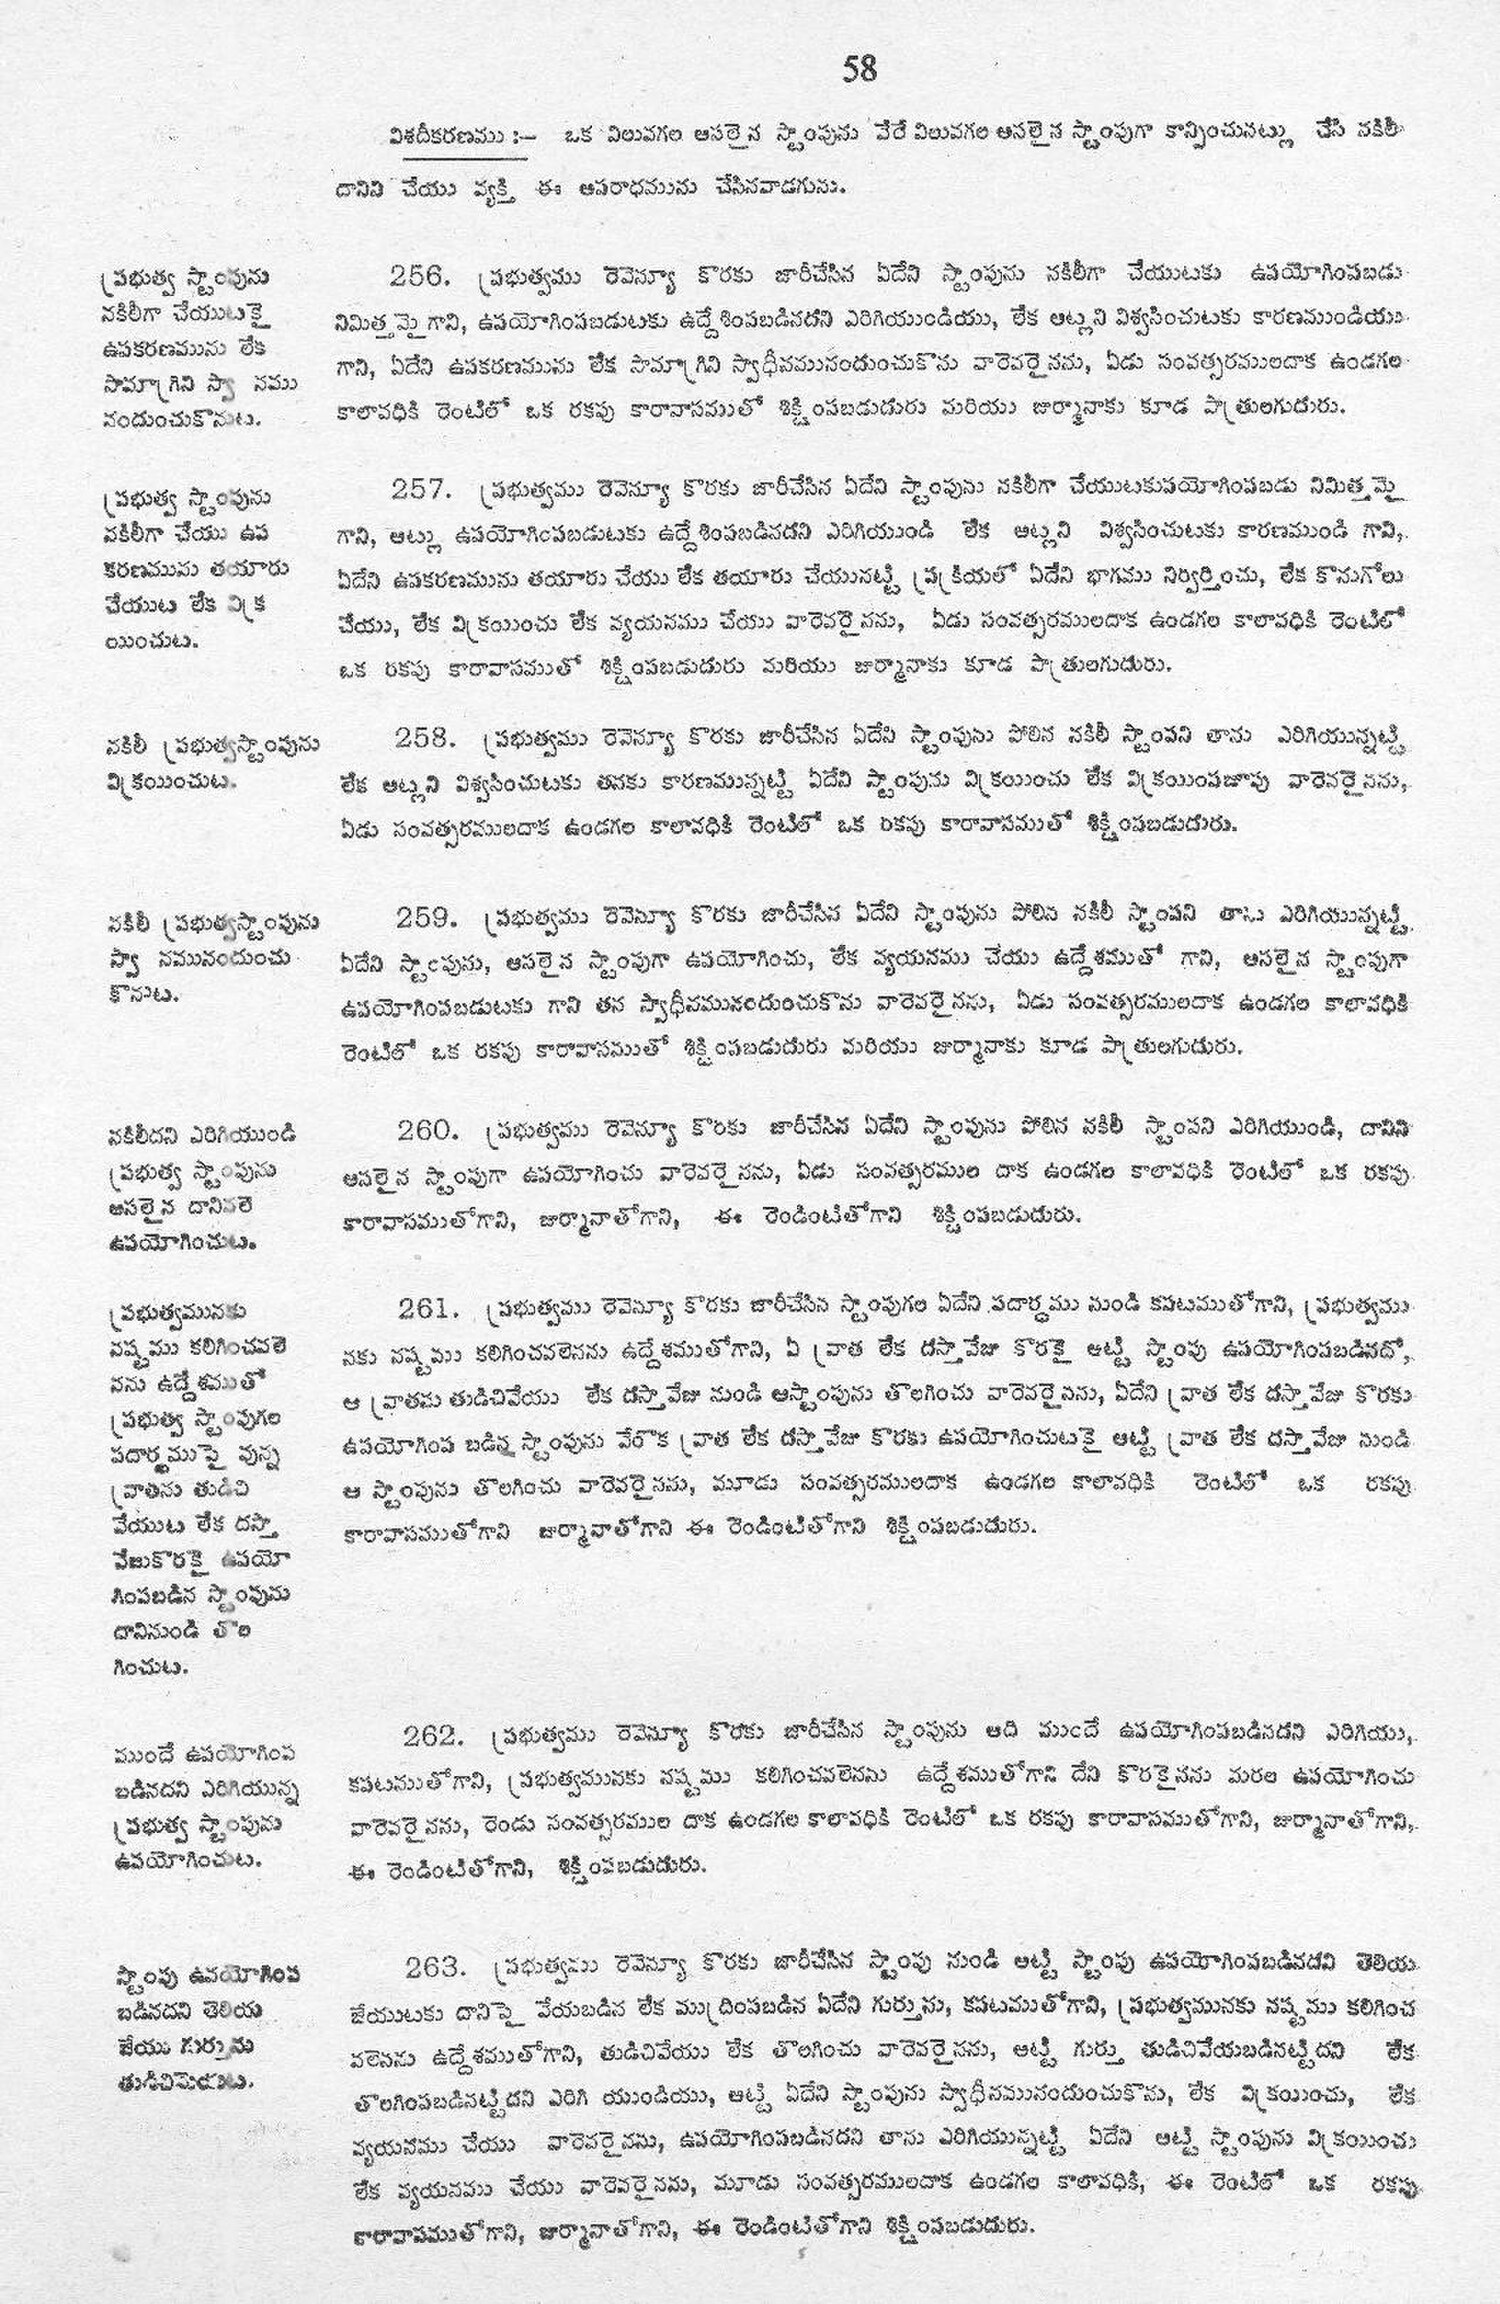విశదీకరణము :- ఒక విలువగల ఆసలైన స్టాంపును వేరే విలువగల ఆనలైన స్టాంపుగా కాన్నించునట్లు చేసి నకిలీ దానిని చేయు వ్యక్తి ఈ అపరాధమును చేసినవాడగును.

ప్రభుత్వ స్టాంపును నకిలీగా చేయుటకై ఉపకరణమును లేక సామాగ్రిని స్వాధీనము నందుంచుకొనుట.

256. ప్రభుత్వము రెవెన్యూ కొరకు జారీచేసిన ఏదేని స్టాంపును నకిలీగా చేయుటకు ఉపయోగింపబడు నిమిత్తమై గాని, ఉపయోగింపబడుటకు ఉద్దేశింపబడినదని ఎరిగియుండియు, లేక ఆట్ల ని విశ్వసించుటకు కారణముండియు గాని, ఏదేని ఉపకరణమును లేక సామాగ్రిని స్వాధీనమునందుంచుకొను వారెవరైనను, ఏడు సంవత్సరములదాక ఉండగల కాలావధికి రెంటిలో ఒక రకపు కారావాసముతొ శిక్షింపబడుదురు మరియు జుర్మానాకు కూడ పాత్రులగుదురు.

ప్రభుత్వ స్టాంపును నకిలీగా చేయు ఉపకరణమును తయారుచేయుట లేక విక్రయించుట.

257. ప్రభుత్వము రెవెన్యూ కొరకు జారీచేసిన ఏదేని స్టాంపును నకిలీగా చేయుటకుపయోగింపబడు నిమిత్తమై గాని, అట్లు ఉపయోగింపబడుటకు ఉద్దేశింపబడినదని ఎరిగియుండి లేక అట్లని విశ్వసించుటకు కారణముండి గాని, ఏదేని ఉపకరణమును తయారు చేయు లేక తయారు చేయునట్టి ప్రక్రియలో ఏదేని భాగము నిర్వర్తించు, లేక కొనుగోలు చేయు, లేక విక్రయించు లేక వ్యయనము చేయు వారెవరైనను, ఏడు సంవత్సరములదాక ఉండగల కాలావధికి రెంటిలో ఒక రకపు కారావాసముతో శిక్షింపబడుదురు మరియు జూర్మానాకు కూడ పాత్రులగుదురు.

నకిలీ ప్రభుత్వస్టాంపును విక్రయించుట
 
258. ప్రభుత్వము రెవెన్యూ కొరకు జారీచేసిన ఏదేసి స్టాంపును పోలిన నకిలీ స్టాంపని తాను ఎరిగియున్నట్టి లేక అట్లని విశ్వసించుటకు తనకు కారణమున్నట్టి ఏదేని స్టాంపును వికలుంచు లేక విక్రయింపజూపు వారెవరైనను, ఏడు సంవత్సరములదాక ఉండగల కాలావధికి రెంటిలో ఒక రకపు కారావాసముతో శిక్షింపబడుదురు.

నకిలీ ప్రభుత్వస్టాంపును స్వాధీనమునందుంచుకొనుట

259. ప్రభుత్వము రెవెన్యూ కొరకు జారీచేసిన ఏదేని స్టాంపును పోలిన నకిలీ స్టాంపని తాను ఎరిగియున్నట్టి.ఏదేని స్టాంపును, అసలైన స్టాంపుగా ఉపయోగించు, లేక వ్యయనము చేయు ఉద్దేశముతో గాని, అసలైన స్టాంపుగా ఉపయోగింపబడుటకు గాని తన స్వాధీనము నందుంచుకొను వారెవరైనను, ఏడు సంవత్సరములదాక ఉండగల కాలావధికి రెంటిలో ఒక రకపు కారావాసముతో శిక్షింపబడుదురు మరియు జుర్మానాకు కూడ పాత్రులగుదురు.

నకిలీదని ఎరిగియుండి ప్రభుత్వ స్టాంపును అసలైన దానివలె ఉపయోగించుట

260.ప్రభుత్వము రెవెన్యూ కొరకు జారీచేసిన ఏదేని స్టాంపును పోలిన నకిలీ స్టాంపని ఎరిగియుండి, దానిని అసలైన స్టాంపుగా ఉపయోగించు వారెవరైనను, ఏడు సంవత్సరముల దాక ఉండగల కాలావధికి రెంటిలో ఒక రకపు కారావాసముతోగాని, జుర్మానాతోగాని, ఈ రెండింటితోగాని శిక్షింపబడుదురు.

ప్రభుత్వమునకు నష్టము కలిగించవలెనను ఉద్దేశముతో ప్రభుత్వ స్టాంపుగల పదార్థముపై వున్న వ్రాతను తుడిచవేయుట లేక దస్తావేజు కొరకై ఉపయోగింపబడిన స్టాంపును దానినుండి తొలగించుట.

261. ప్రభుత్వము రెవెన్యూ కోరకు జారీచేసిన స్టాంపుగల ఏదేని పదార్ధము నుండి కపటముతోగాని, ప్రభుత్వమునకు నష్టము కలిగించవలెనను ఉద్దేశముతోగాని, ఏ వ్రాత లేక దస్తావేజు కొరకై అట్టి స్టాంపు ఉపయోగింపబడినదో, ఆ వ్రాతను తుడిచివేయు లేక దస్తా వేజు నుండి ఆస్టాంపును తొలగించు వారెవరై నను, ఏదేని వ్రాత లేక దస్తావేజు కొరకు ఉపయోగింప బడిన స్టాంపును వేరొక వ్రాత లేక దస్తా వేజు కొరకు ఉపయోగించుటకై అట్టి వ్రాత లేక దస్తావేజు నుండి ఆ స్టాంపును తొలగించు వారెవరైనను, మూడు సంవత్సరముల దాక ఉండగల కాలావధికి రెంటిలో ఒక రకపు కారావాసముతోగాని జుర్మానాతోగాని ఈ రెండింటితోగాని శిక్షింపబడుదురు.

ముందే ఉపయోగింపబడినదని ఎరిగియున్న ప్రభుత్వ స్టాంపును ఉపయోగించుట.

262. ప్రభుత్వము రెవెన్యూ కొరకు జారీచేసిన స్టాంపును ఆది ముందే ఉపయోగింపబడినదని ఎరిగియు, కపటముతో గాని, ప్రభుత్వమునకు నష్టము కలిగించవలెనను ఉద్దేశముతో గాని దేని కొరకైనను మరల ఉపయోగించు వారెవరైనను, రెండు సంవత్సరముల దాక ఉండగల కాలావధికి రెంటిలో ఒక రకపు కారావాసముతో గాని, జుర్మానాతో గాని, ఈ రెండింటితోగాని, శిక్షింపబడుదురు.

స్టాంపు ఉపయోగింపబడినదని తెలియజేయు గుర్తును తుడిచివేయుట.

263. ప్రభుత్వము రెవెన్యూ కొరకు జారీచేసిన స్టాంపు నుండి అట్టి స్టాంపు ఉపయోగింపబడినదని తెలియజేయుటకు దాని పై వేయబడిన లేక ముద్రింపబడిన ఏదేని గుర్తును, కపటముతో గాని, ప్రభుత్వమునకు నష్టము కలిగించవలెనను ఉద్దేశముతోగాని, తుడిచివేయు లేక తొలగించు వారెవరైనను, అట్టి గుర్తు తుడిచివేయబడినట్టి దని లేక తొలగింపబడినట్టిదని ఎరిగి యుండియు, అట్టి ఏదేని స్టాంపును స్వాధీనమునందుంచుకొను, లేక విక్రయించు, లేక వ్యయనము చేయు వారెవరైనను, ఉపయోగింపబడినదని తాను ఎరిగియున్నట్టి ఏదేని అట్టి స్టాంపును విక్రయించు లేక వ్యయనము చేయు వారెవరైనను, మూడు సంవత్సరములదాక ఉండగల కాలావధికి, ఈ రెంటిలో ఒక రకపు కారావాసముతో గాని, జుర్మానాతోగాని, ఈ రెండింటితోగాని శిక్షింపబడుదురు.